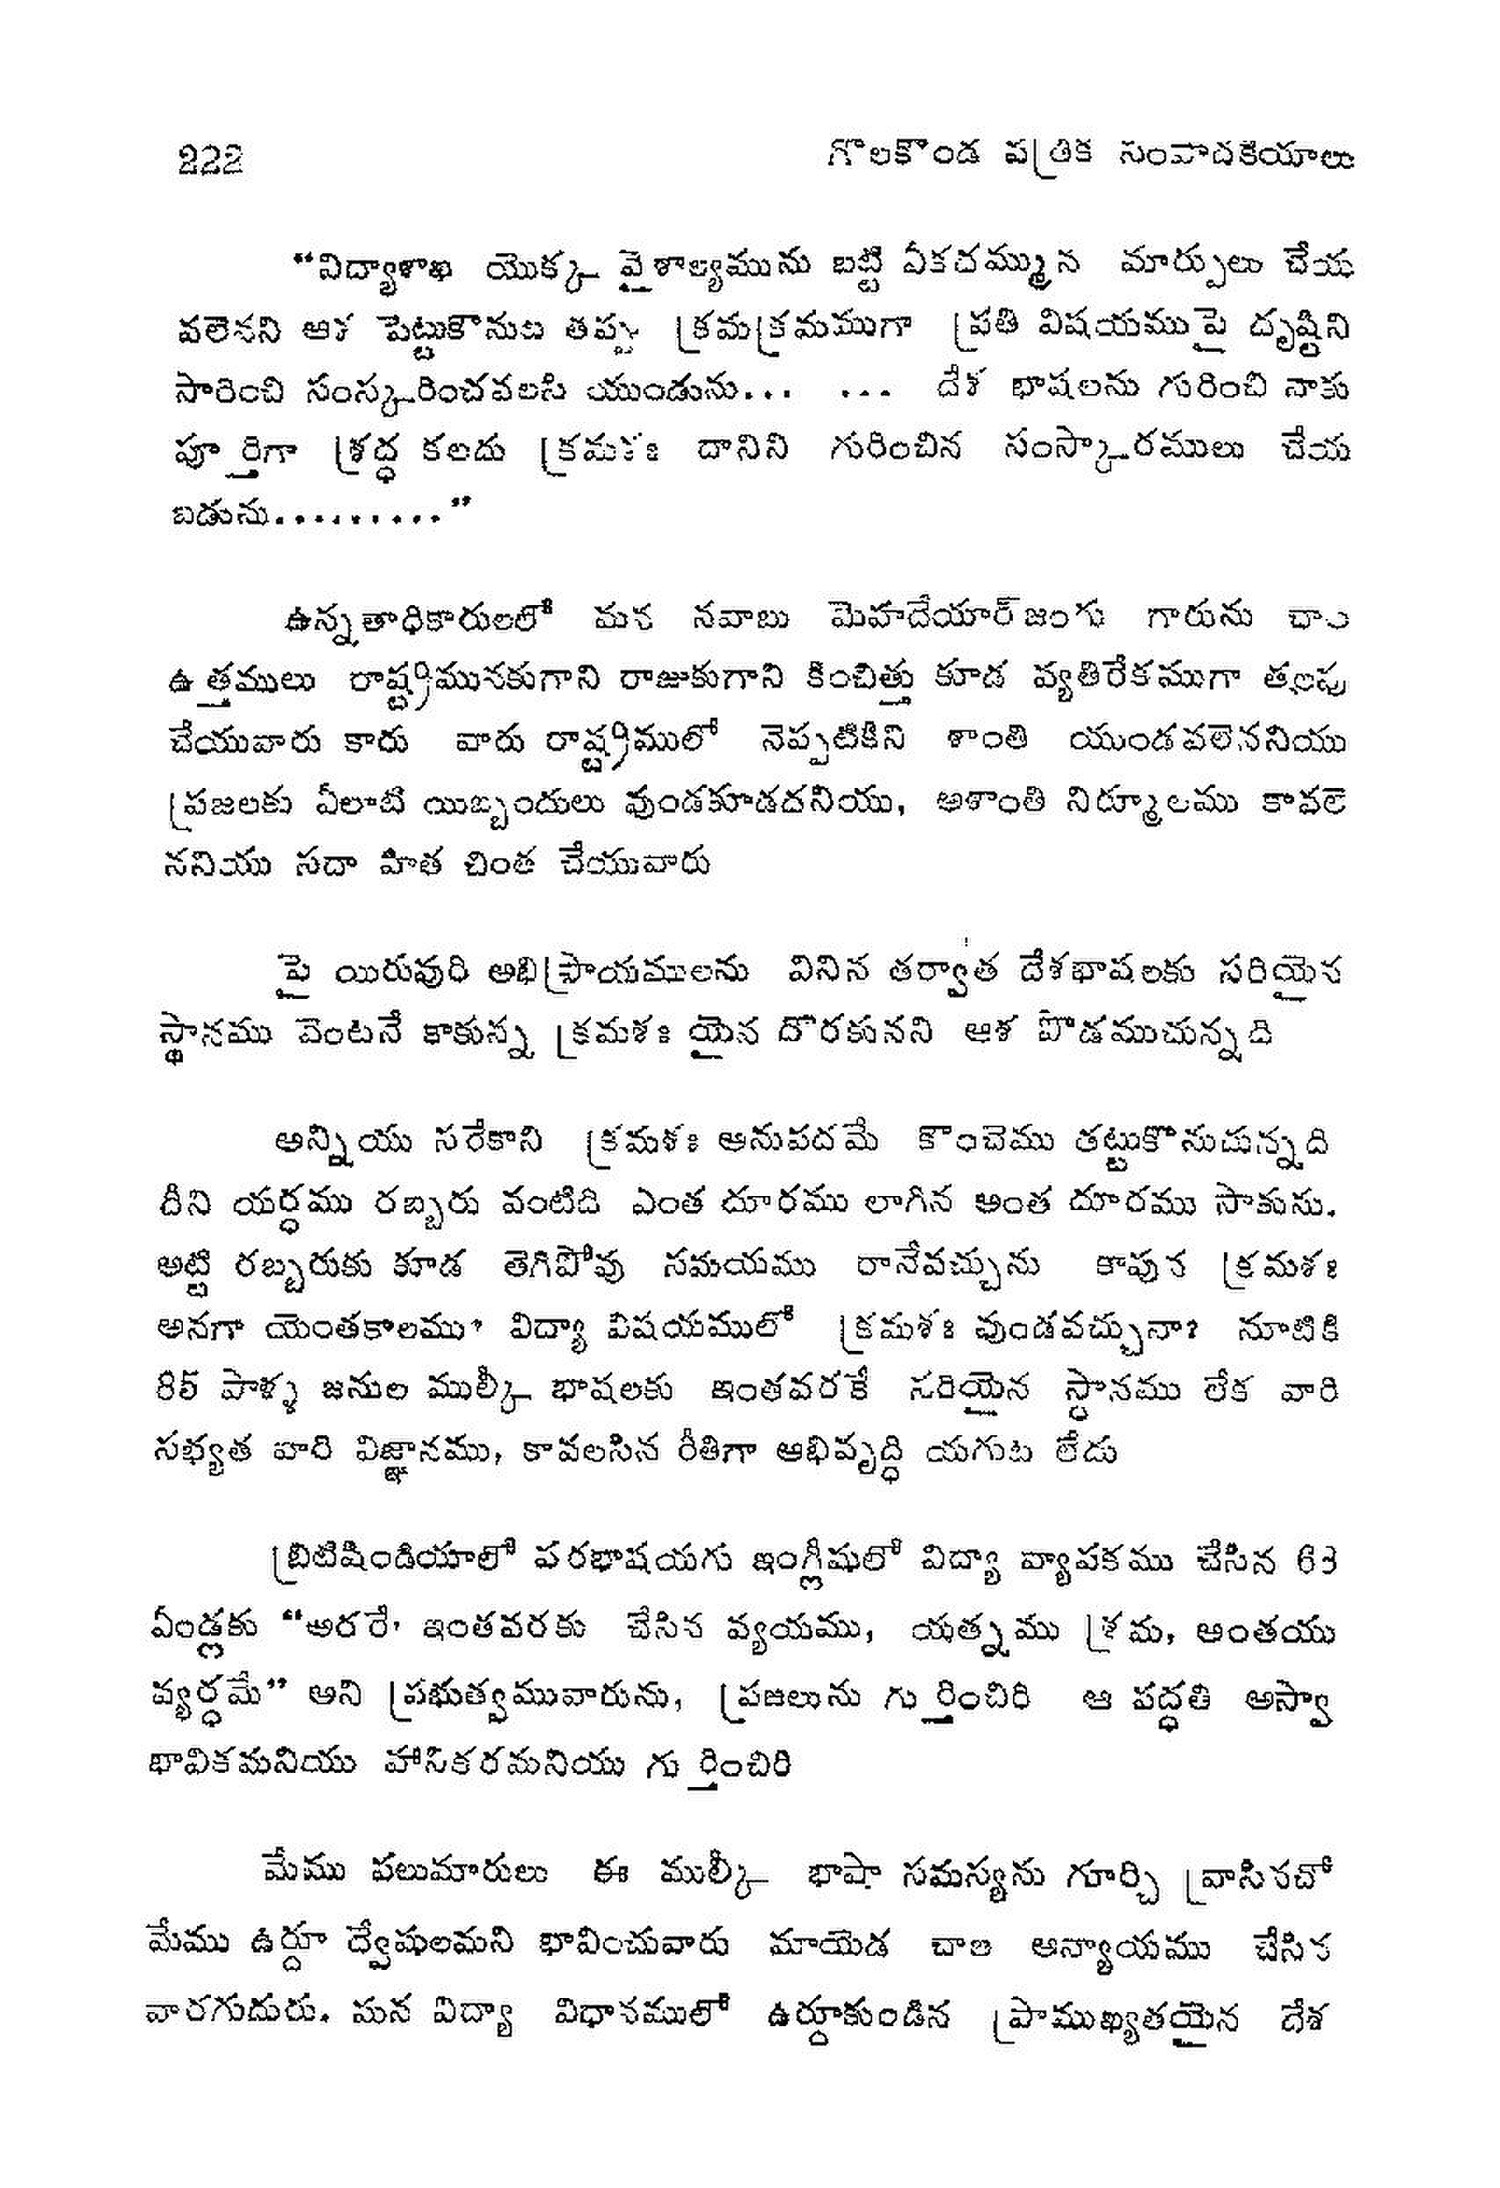"విద్యాశాఖ యొక్క వైశాల్యమును బట్టి ఏకదమ్మున మార్పులు చేయవలెనని ఆశ పెట్టుకొనుట తప్పు క్రమక్రమముగా ప్రతి విషయముపై దృష్టిని సారించి సంస్కరించవలసి యుండును... ...... దేశ భాషలను గురించి నాకు పూర్తిగా శ్రద్ధ కలదు క్రమశః దానిని గురించిన సంస్కారములు చేయబడును....

ఉన్నతాధికారులలో మన నవాబు మెహదేయార్‌జంగు గారును చాల ఉత్తములు రాష్ట్రమునకుగాని రాజుకుగాని కించిత్తు కూడ వ్యతిరేకముగా తలపుచేయువారు కారు వారు రాష్ట్రములో నెప్పటికిని శాంతి యుండవలెననియు ప్రజలకు ఏలాటి యిబ్బందులు వుండకూడదనియు, అశాంతి నిర్మూలము కావలెననియు సదా హిత చింత చేయువారు

పై యిరువురి అభిప్రాయములను వినిన తర్వాత దేశభాషలకు సరియైన స్థానము వెంటనే కాకున్న క్రమశః యైన దొరకునని ఆశ పొడముచున్నది

అన్నియు సరేకాని క్రమశః అనుపదమే కొంచెము తట్టుకొనుచున్నది దీని యర్ధము రబ్బరు వంటిది ఎంత దూరము లాగిన అంత దూరము సాగును. అట్టి రబ్బరుకు కూడ తెగిపోవు సమయము రానేవచ్చును కావున క్రమశః అనగా యెంతకాలము? విద్యా విషయములో క్రమశః వుండవచ్చునా? నూటికి 85 పాళ్ళ జనుల ముల్కీ భాషలకు ఇంతవరకే సరియైన స్థానము లేక వారి సభ్యత వారి విజ్ఞానము, కావలసిన రీతిగా అభివృద్ధి యగుట లేదు

బ్రిటిషిండియాలో పరభాషయగు ఇంగ్లీషులో విద్యా వ్యాపకము చేసిన 68 ఏండ్లకు “అరరే” ఇంతవరకు చేసిన వ్యయము, యత్నము శ్రమ, అంతయు వ్యర్ధమే" అని ప్రభుత్వమువారును, ప్రజలును గుర్తించిరి ఆ పద్దతి అస్వాభావికమనియు హానికరమనియు గుర్తించిరి

మేము పలుమారులు ఈ ముల్కీ భాషా సమస్యను గూర్చి వ్రాసినచో మేము ఉర్దూ ద్వేషులమని భావించువారు మాయెడ చాలా అన్యాయము చేసిన వారగుదురు. మన విద్యా విధానములో ఉర్దూకుండిన ప్రాముఖ్యతయైన దేశ